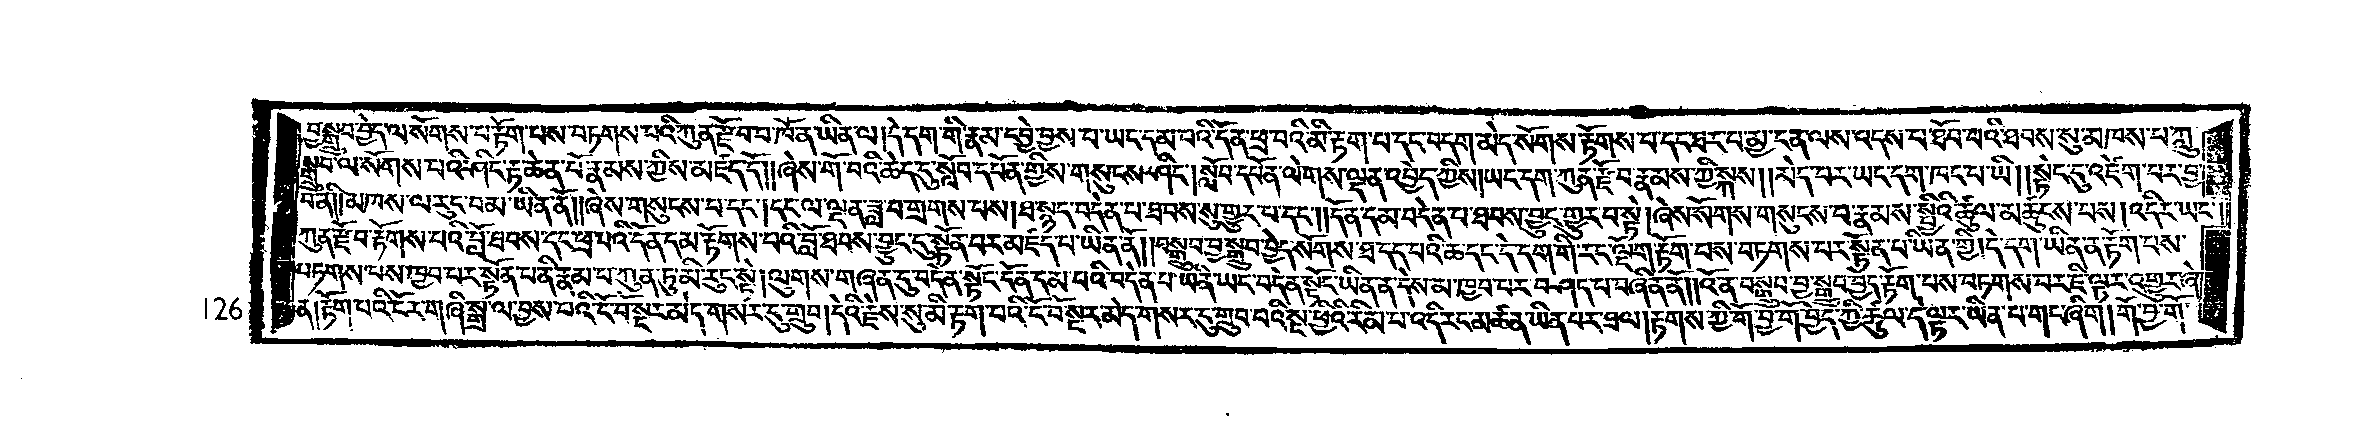བྱ་སྒྲུབ་བྱེད་ལ་སོགས་པ་རྟོག་པས་བཏགས་པའི་ཀུན་རྫོབ་པ་ཁོ་ན་ཡིན་ལ། དེ་དག་གི་རྣམ་དབྱེ་བྱས་པ་ཡང་དམ་པའི་དོན་ཕྲ་བའི་མི་རྟག་པ་དང་བདག་མེད་སོགས་རྟོགས་པ་དང་ཐར་པ་མྱ་ངན་ལས་འདས་པ་ཐོབ་པའི་ཐབས་སུ་མཁས་པ་ཀླུ་
སྒྲུབ་ལ་སོགས་པའི་ཤིང་རྟ་ཆེན་པོ་རྣམས་ཀྱིས་མཛད་དོ། །ཞེས་གོ་བའི་ཆེད་དུ་སློབ་དཔོན་གྱིས་གསུངས་ཤིང་། སློབ་དཔོན་ལེགས་ལྡན་འབྱེད་ཀྱིས། ཡང་དག་ཀུན་རྫོབ་རྣམས་ཀྱི་སྐས། །མེད་པར་ཡང་དག་ཁང་པ་ཡི། །སྟེང་དུ་འཛེག་?་པར་བྱ་
བ་ནི། །མཁས་ལ་རུང་བ་མ་ཡིན་ནོ། །ཞེས་གསུངས་པ་དང་། དཔལ་ལྡན་ཟླ་བ་གྲགས་པས། ཐ་སྙད་བདེན་པ་ཐབས་སུ་གྱུར་པ་དང་། །དོན་དམ་བདེན་པ་ཐབས་བྱུང་གྱུར་པ་སྟེ། ཞེས་སོགས་གསུངས་བ་རྣམས་སྤྱིའི་ཚུལ་མཚུངས་པས། འདིར་ཡང་
ཀུན་རྫོབ་རྟོགས་པའི་བློ་ཐབས་དང་ཕྲ་བའི་དོན་དམ་རྟོགས་པའི་བློ་ཐབས་བྱུང་དུ་སྟོན་པར་མཛད་པ་ཡིན་ནོ། །བསྒྲུབ་བྱ་སྒྲུབ་བྱེད་སོགས་ཐ་དད་པའི་ཆ་དང་དེ་དག་གི་རང་ལྡོག་རྟོག་པས་བཏགས་པར་སྟོན་པ་ཡིན་གྱི། དེ་དག་ཡིན་ན་རྟོག་པས་
བཏགས་པས་ཁྱབ་པར་སྟོན་པ་ནི་རྣམ་པ་ཀུན་ཏུ་མི་རུང་སྟེ། ལུགས་གཞན་དུ་བདེན་སྟོང་དོན་དམ་པའི་བདེན་པ་ཡིན་ཡང་བདེན་སྟོང་ཡིན་ན་དེས་མ་ཁྱབ་པར་བཤད་པ་བཞིན་ནོ། །འོ་ན་བསྒྲུབ་བྱ་སྒྲུབ་བྱེད་རྟོག་པས་བཏགས་པར་ཇི་ལྟར་འགྱུར་ཞེ་
ན། རྟོག་པའི་ངོར་གཞི་སྒྲ་ལ་བྱས་པའི་ངོ་བོ་སྔར་མེད་གསར་དུ་གྲུབ། དེའི་རྗེས་སུ་མི་རྟག་པའི་ངོ་བོ་སྔར་མེད་གསར་དུ་གྲུབ་པའི་སྔ་ཕྱིའི་རིམ་པ་འདི་རང་མཚན་ཡིན་པར་ཐལ། རྟགས་ཀྱི་གོ་བྱ་གོ་བྱེད་ཀྱི་ཚུལ་དེ་ལྟར་ཡིན་པ་གང་ཞིག །གོ་བྱ་གོ་